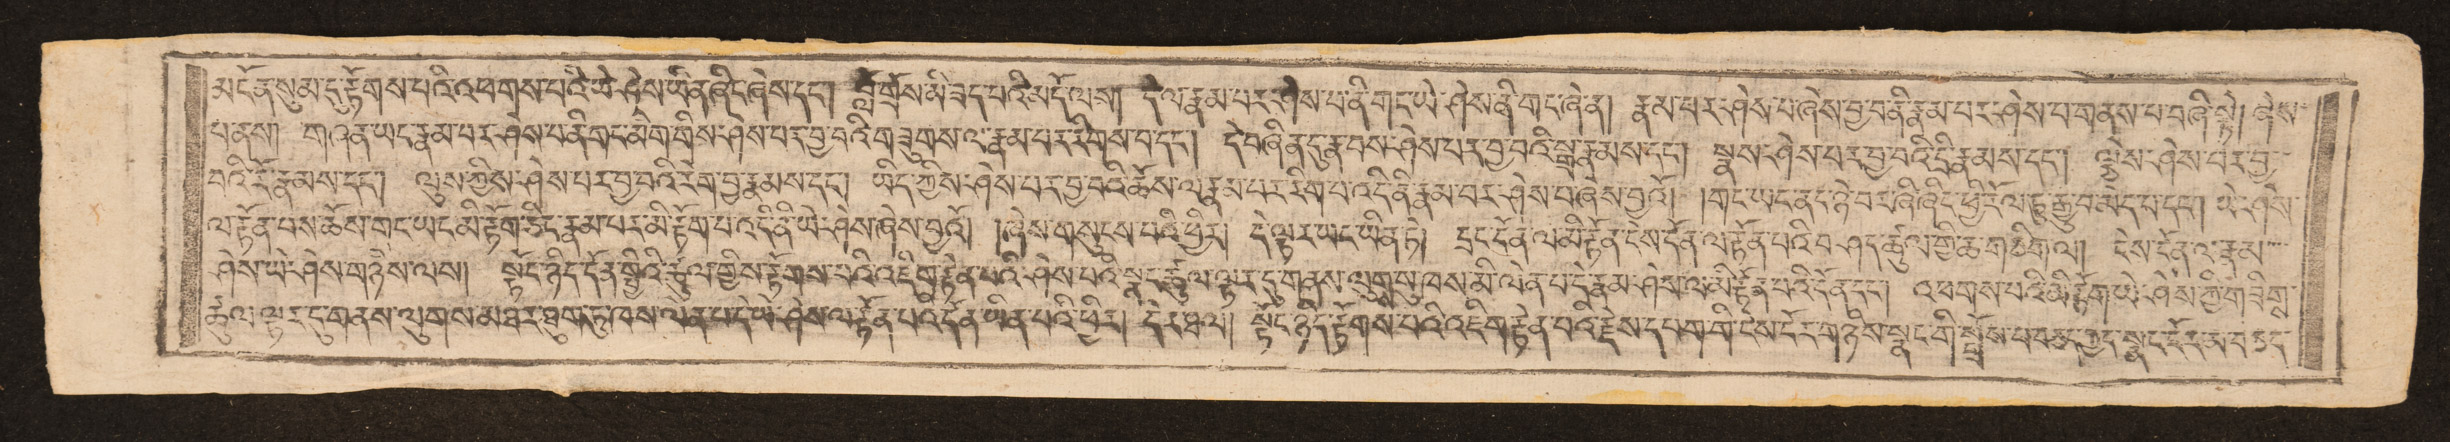མངོན་སུམ་དུ་རྟོགས་པའི་འཕགས་པའི་ཡེ་ཤེས་ཡིན་ཞིང་ཞེས་དང་། བློ་གྲོས་མི་ཟད་པའི་མདོ་ལས། དེ་ལ་རྣམ་པར་ཤེས་པ་ནི་གང་ཡེ་ཤེས་ནི་གང་ཞེ་ན། རྣམ་པར་ཤེས་པ་ཞེས་བྱ་བ་ནི་རྣམ་པར་ཤེས་པ་གནས་པ་བཞི་སྟེ། ཞེས་
པ་ནས། གཞན་ཡང་རྣམ་པར་ཤེས་པ་ནི་གང་མིག་གིས་ཤེས་པར་བྱ་བའི་གཟུགས་ལ་རྣམ་པར་རིགས་པ་དང་། དེ་བཞིན་དུ་རྣ་བས་ཤེས་པར་བྱ་བའི་སྒྲ་རྣམས་དང་། སྣས་ཤེས་པར་བྱ་བའི་དྲི་རྣམས་དང་། ལྕེས་ཤེས་པར་བྱ་
བའི་རོ་རྣམས་དང་། ལུས་ཀྱིས་ཤེས་པར་བྱ་བའི་རེག་བྱ་རྣམས་དང་། ཡིད་ཀྱིས་ཤེས་པར་བྱ་བའི་ཆོས་ལ་རྣམ་པར་རིག་པ་འདི་ནི་རྣམ་པར་ཤེས་པ་ཞེས་བྱའོ། །གང་ཡང་ནང་ཉེ་བར་ཞི་ཞིང་ཕྱི་རོལ་ཏུ་རྒྱུ་བ་མེད་པ་དང་། ཡེ་ཤེས་
ལ་རྟོན་པས་ཆོས་གང་ཡང་མི་རྟོག་ཅིང་རྣམ་པར་མི་རྟོག་པ་འདི་ནི་ཡེ་ཤེས་ཞེས་བྱའོ། །ཞེས་གསུངས་པའི་ཕྱིར། དེ་ལྟར་ཡང་ཡིན་ཏེ། དྲང་དོན་ལ་མི་རྟོན་ངེས་དོན་ལ་རྟོན་པའི་བཤད་ཚུལ་གྱི་ཆ་གཅིག་ལ། ངེས་དོན་ལ་རྣམ་
ཤེས་ཡེ་ཤེས་གཉིས་ལས། སྟོང་ཉིད་དོན་སྤྱིའི་ཚུལ་གྱིས་རྟོགས་པའི་འཇིག་རྟེན་པའི་ཤེས་པའི་སྣང་ཚུལ་ལྟར་དུ་གནས་ལུགས་སུ་ཁས་མི་ལེན་པ་དེ་རྣམ་ཤེས་ལ་མི་རྟོན་པའི་དོན་དང་། འཕགས་པའི་མི་རྟོག་ཡེ་ཤེས་ཀྱི་གཟིགས་
ཚུལ་ལྟར་དུ་གནས་ལུགས་མཐར་ཐུག་ཏུ་ཁས་ལེན་པ་དེ་ཡེ་ཤེས་ལ་རྟོན་པའི་དོན་ཡིན་པའི་ཕྱིར། དེར་ཐལ། སྟོང་ཉིད་རྟོགས་པའི་འཇིག་རྟེན་པའི་རྗེས་དཔག་གི་ངེས་ངོར་གཉིས་སྣང་གི་སྤྲོས་པ་བཅད་ཀྱང་སྣང་ངོར་མ་བཅད་